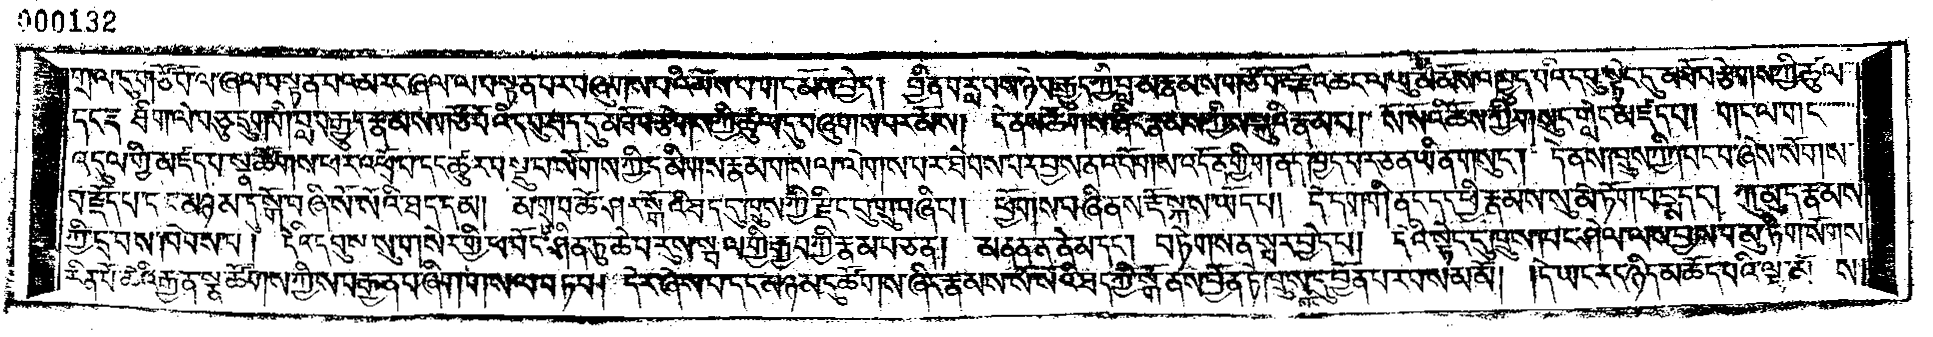གྲལ་དུ་གཙོ་བོ་ལ་ཞལ་བསྟན་པའམ་རང་ཞལ་ལ་བསྟན་པར་བཞུགས་པའི་མོས་པ་གང་མོས་བྱེད། བྱིན་བརླབས་ཉེ་བརྒྱུད་ཀྱི་བླ་མ་རྣམས་གཙོ་བོ་རྡོ་རྗེ་འཆང་ལ་ཡུམ་ཆེན་?མོས་འཁྱུད་པའི་དབུ་སྟེང་དུ་མཐོ་བརྩེགས་ཀྱི་ཚུལ་
དང༑ ཐིག་ལེ་བཅུ་དྲུག་གི་བླ་བརྒྱུད་རྣམས་གཙོ་བོའི་དབུ་ཐད་དུ་མཐོ་བརྩེགས་ཀྱི་ཚུལ་དུ་བཞུགས་པར་མོས། དེ་ནས་ཚོགས་ཞིང་རྣམས་ཀྱིས་སྐུའི་རྣམ་པ། སོ་སོའི་ཆོས་ཀྱི་གསུང་གླེང་མཛད་པ། གང་ལ་གང་
འདུལ་གྱི་མཛད་པ་སྣ་ཚོགས་ཕར་འཕྲོ་པ་དང་ཚུར་བསྡུ་པ་སོགས་ཀྱི་དམིགས་རྣམ་གསལ་ལེགས་པར་ཐེབས་པར་བྱས་ན་འབོགས་འདོན་གྱི་གནད་ཁྱད་པར་ཅན་ཡིན་གསུང་། དེ་ནས་ཁྲུས་ཀྱི་ཁང་པ་ཞེས་སོགས་
བརྗོད་པ་དང་མཉམ་དུ་སྒོ་བཞི་སོ་སོའི་ཐད་དམ། མ་གྲུབ་ཚེ་ཤར་སྒོའི་ཐད་དུ་ཁྲུས་ཀྱི་རྫིང་བུ་གྲུ་བཞི་པ། ཕྱོགས་བཞི་ནས་རྡོ་སྐས་ཡོད་པ། དེ་དག་གི་ནང་དང་ཕྱི་རྣམས་སུ་མེ་ཏོག་པདམ་དང་། ཀུ་མུ་ད་རྣམས་
ཀྱི་དྲ་བས་ཁེབས་པ། དེའི་དབུས་སུ་གསེར་གྱི་ཕ་བོང་ཤིན་ཏུ་ཆེ་བ་རུས་སྤལ་གྱི་རྒྱབ་ཀྱི་རྣམ་པ་ཅན། མནན་ན་ནེམ་དང་། བཏེགས་ན་སྤར་བྱེད་པ། དེའི་སྟེང་དུ་ཁྲུས་ཁང་ཤེལ་ལས་བྱས་པ་མུ་ཏིག་སོགས་
རིན་པོ་ཆེའི་རྒྱན་སྣ་ཚོགས་ཀྱིས་བརྒྱན་པ་ཞིག་གསལ་བཏབ། དེར་ཞེས་པ་དང་མཉམ་དུ་ཚོགས་ཞིང་རྣམས་སོ་སོའི་ཐད་ཀྱི་སྒོ་ནས་བྱོན་ཏེ་ཁྲུས་ཁ་དུ་བྱོན་པར་བསམ་མོ། །དེ་ཡང་རང་ཉིད་མཆོད་པའི་ལྷ་མོས་